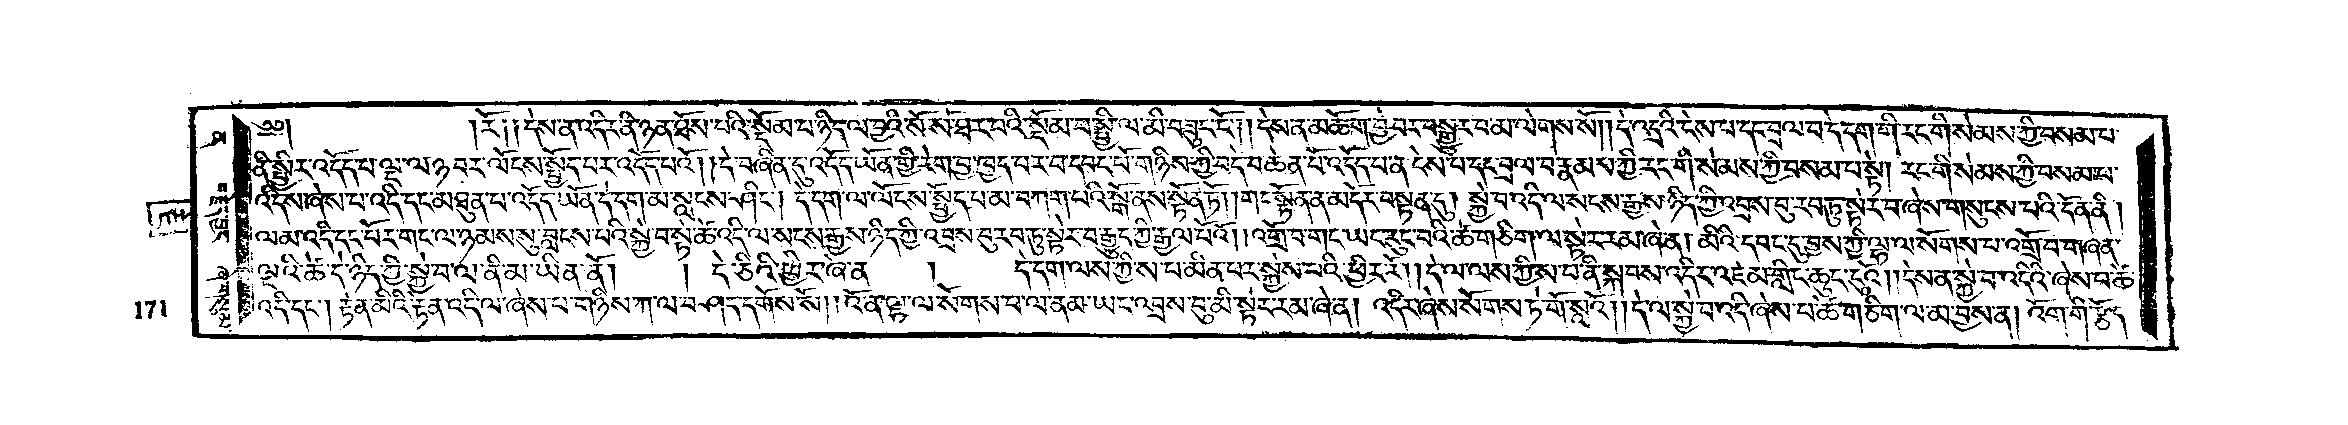༄༅། །རོ། །དེས་ན་འདིར་ནི་ཉན་ཐོས་པའི་སྡོམ་པ་ཉིད་ལ་བྱའི་སོ་སོ་ཐར་པའི་སྡོམ་པ་སྤྱི་ལ་མི་བཟུང་ངོ། །དེས་ན་མཆོག་བྱེ་བར་བསྒྱུར་བ་མ་ལེགས་སོ། །དེ་འདྲའི་ངེས་པ་དང་བྲལ་བ་དེ་དག་གི་རང་གི་སེམས་ཀྱི་བསམ་པ་
ནི་སྤྱིར་འདོད་པ་ལྔ་ལ་ཉ་བར་ལོངས་སྤྱོད་པར་འདོད་པའོ། །དེ་བཞིན་དུ་འདོད་ཡོན་གྱི་རེག་བྱ་ཁྱད་པར་བ་དབང་པོ་གཉིས་ཀྱི་བདེ་བ་ཆེན་པོ་འདོད་པ་ན་ངེས་པ་དང་བྲལ་བ་རྣམས་ཀྱི་རང་གི་སེམས་ཀྱི་བསམ་པ་སྟེ། རང་གི་སེམས་ཀྱི་བསམ་པ་
འདིས་ཞེས་པ་འདི་དང་མཐུན་པ་འདོད་ཡོན་དེ་དག་མ་སླངས་ཤིང་། དེ་དག་ལ་ལོངས་སྤྱོད་པ་མ་བཀག་པའི་སྒོ་ནས་སྟོན་ཏོ། །གང་སྟོན་ན་མདོར་བསྟན་དུ། སྐྱེ་བ་འདི་ལ་སངས་རྒྱས་ཉིད་ཀྱི་འབྲས་བུ་རབ་ཏུ་སྟེར་བ་ཞེས་གསུངས་པའི་དོན་ནི།
ལམ་འདི་དང་པོར་གང་ལ་ཉམས་སུ་བླངས་པའི་སྐྱེ་བ་སྟེ་ཚེ་འདི་ལ་སངས་རྒྱས་ཉིད་ཀྱི་འབྲས་བུ་རབ་ཏུ་སྟེར་བ་རྒྱུད་ཀྱི་རྒྱལ་པོའོ། །འགྲོ་བ་གང་ཡང་རུང་བའི་ཚེ་གཅིག་ལ་སྟེར་རམ་ཞེ་ན། མིའི་དབང་དུ་བྱས་ཀྱི་ལྷ་ལ་སོགས་པ་འགྲོ་བ་གཞན་
ལྔའི་ཚེ་དེ་ཉིད་ཀྱི་སྐྱེ་བ་ལ་ནི་མ་ཡིན་ནོ། །དེ་ཅིའི་ཕྱིར་ཞེ་ན། དེ་དག་ལས་ཀྱི་ས་པ་མིན་པར་སྐྱེས་པའི་ཕྱིར་རོ། །དེ་ལ་ལས་ཀྱི་ས་པ་ནི་སྐབས་འདིར་འཛམ་གླིང་ཆུང་ངུའོ། །དེས་ན་སྐྱེ་བ་འདིའི་ཞེས་པ་ཚེ་
འདི་དང་། རྟེན་མིའི་རྟེན་འདི་ལ་ཞེས་པ་གཉིས་ཀ་ལ་བཤད་དགོས་སོ། །འོ་ན་ལྷ་ལ་སོགས་པ་ལ་ནམ་ཡང་འབྲས་བུ་མི་སྟེར་རམ་ཞེ་ན། འདིར་ཞེས་སོགས་ཏེ་གོ་སླའོ། །དེ་ལ་སྐྱེ་བ་འདི་ཞེས་པ་ཚེ་གཅིག་ལ་མ་བྱས་ན། འོག་གི་རྩོད་